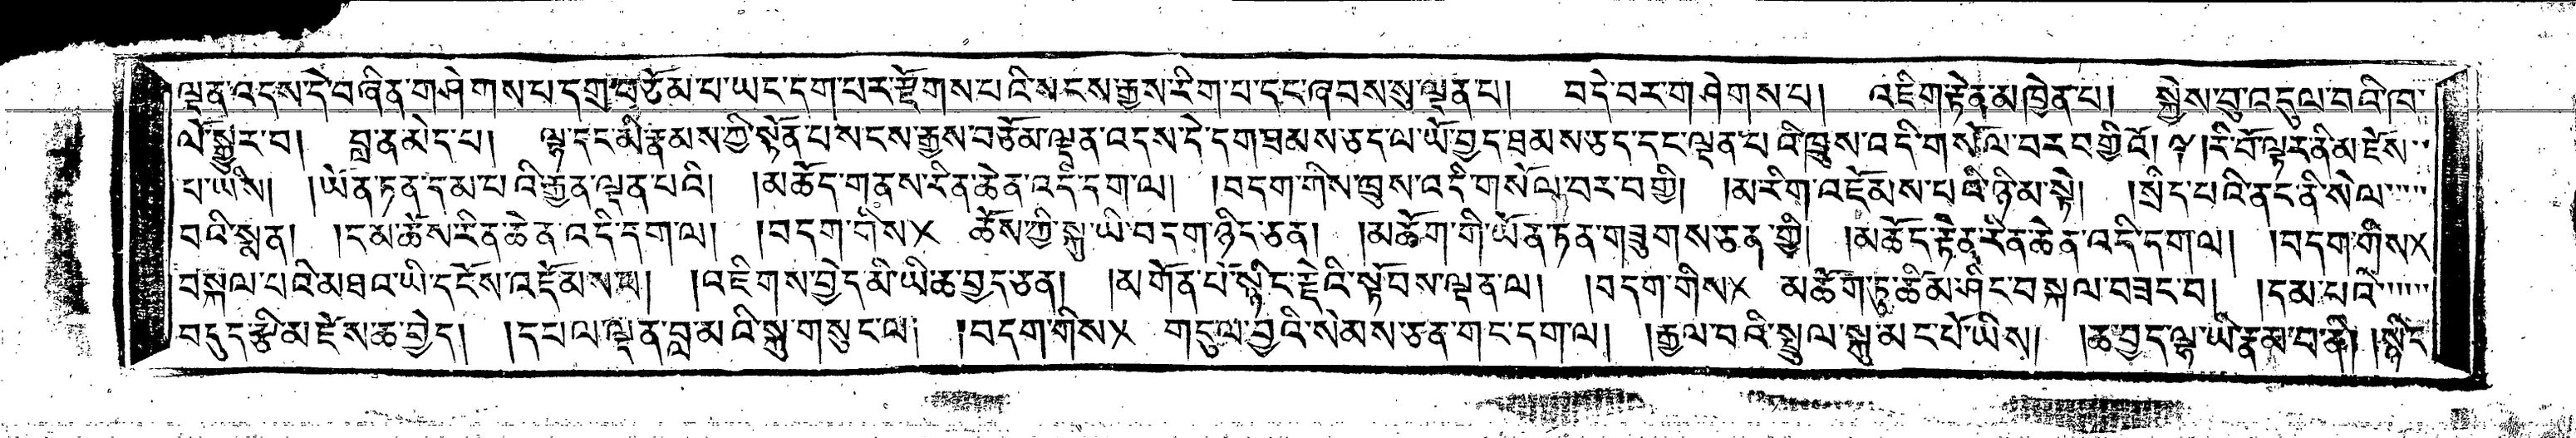ལྡན་འདས་དེ་བཞིན་གཤེགས་པ་དགྲ་བཅོམ་པ་ཡང་དག་པར་རྫོགས་པའི་སངས་རྒྱས་རིག་པ་དང་ཞབས་སུ་ལྡན་པ། བདེ་བར་གཤེགས་པ། འཇིག་རྟེན་མཁྱེན་པ། སྐྱེས་བུ་འདུལ་བའི་ཁ་
ལོ་སྒྱུར་བ། བླ་ན་མེད་པ། ལྷ་དང་མི་རྣམས་ཀྱི་སྟོན་པ་སངས་རྒྱས་བཅོམ་ལྡན་འདས་དེ་དག་ཐམས་ཅད་ལ་ཡོ་བྱད་ཐམས་ཅད་དང་ལྡན་པའི་ཁྲུས་འདི་གསོལ་བར་བགྱིའོ། ༈ །རི་བོ་ལྟར་ནི་མཛེས་
པ་ཡིས། །ཡོན་ཏན་དམ་པའི་རྒྱན་ལྡན་པའི། །མཆོད་གནས་རིན་ཆེན་འདི་དག་ལ། །བདག་གིས་ཁྲུས་འདི་གསོལ་བར་བགྱི། །མ་རིག་འཇོམས་པའི་ཉི་མ་སྟེ། །སྲིད་པའི་ནང་ནི་སེལ་
བའི་སྨན། །ངམ་ཆོས་རིན་ཆེན་འདི་དག་ལ། །བདག་གིས་{྾}་ཆོས་ཀྱི་སྐུ་ཡི་བདག་ཉིད་ཅན། །མཆོག་གི་ཡོན་ཏན་གཟུགས་ཅན་གྱི། །མཆོད་རྟེན་རིན་ཆེན་འདི་དག་ལ། །བདག་གིས་{྾}
བསྐལ་པའི་མཐའ་ཡི་དངོས་འཇོམས་པ། །འཇིགས་བྱེད་མི་ཡི་ཆ་བྱད་ཅན། །མགོན་པོ་སྙིང་རྗེའི་སྟོབས་ལྡན་ལ། །བདག་གིས་{྾}་མཆོག་ཏུ་ཚིམ་ཤིང་བསྐལ་བཟང་བ། །དམ་པའི་
བདུད་རྩི་མཛེས་ཆ་བྱེད། །དཔལ་ལྡན་བླ་མའི་སྐུ་གསུང་ལ། །བདག་གིས་{྾}་གདུལ་བྱའི་སེམས་ཅན་གང་དག་ལ། །རྒྱལ་བའི་སྤྲུལ་སྐུ་མང་པོ་ཡིས། །ཆ་བྱད་ལྷ་ཡི་རྣམ་པ་ནི། །སྙིང་